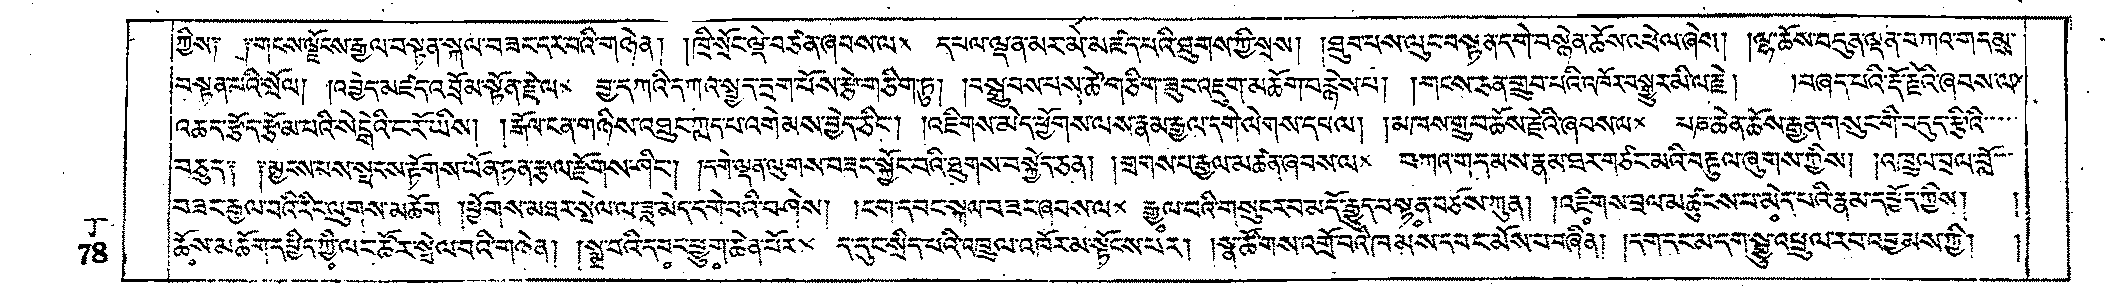ཀྱིས༑ ༑གངས་ལྗོངས་རྒྱལ་བསྟན་སྐལ་བཟང་དར་བའི་གཉེན། །ཁྲི་སྲོང་ལྡེ་བཙན་ཞབས་ལ་྾་དཔལ་ལྡན་མར་མེ་མཛད་པའི་ཐུགས་ཀྱི་སྲས། །ཐུབ་པས་ལུང་བསྟན་དགེ་བསྙེན་ཆོས་འཕེལ་ཞེས། །ལྷ་ཆོས་བདུན་ལྡན་བཀའ་གདམས་
བསྟན་པའི་སྲོལ། །འབྱེད་མཛད་འབྲོམ་སྟོན་རྗེ་ལ་྾་བྱ་དཀའི་དཀའ་སྤྱད་དྲག་པོས་རྩེ་གཅིག་ཏུ། །བསྒྲུབས་པས་ཚེ་གཅིག་ཟུང་འཇུག་མཆོག་བརྙེས་པ། །གངས་ཅན་གྲུབ་པའི་འཁོར་བསྒྱུར་མི་ལ་རྗེ། །བཞད་པའི་རྡོ་རྗེའི་ཞབས་ལ་྾་
འཆད་རྩོད་རྩོམ་པའི་སེངྒེའི་ང་རོ་ཡིས། །རྒོལ་ངན་གཉིས་འཐུང་ཀླད་པ་འགེམས་བྱེད་ཅིང་། །འཇིགས་མེད་ཕྱོགས་ལས་རྣམ་རྒྱལ་དགེ་ལེགས་དཔལ། །མཁས་གྲུབ་ཆོས་རྗེའི་ཞབས་ལ་྾་པཎ་ཆེན་ཆོས་རྒྱན་གསུང་གི་བདུད་རྩིའི་་་
བཅུད༑ ༑མྱངས་པས་སྤངས་རྟོགས་ཡོན་ཏན་རྩལ་རྫོགས་ཤིང་། །དགེ་ལྡན་ལུགས་བཟང་སྐྱོང་བའི་ཐུགས་བསྐྱེད་ཅན། །གྲགས་པ་རྒྱལ་མཚན་ཞབས་ལ་྾་བཀའ་གདམས་རྣམ་ཐར་གཙང་མའི་བརྟུལ་ཞུགས་ཀྱིས། །འཁྲུལ་བྲལ་བློ་་་
བཟང་རྒྱལ་བའི་རིང་ལུགས་མཆོག །ཕྱོགས་མཐར་སྤེལ་ལ་ཟླ་མེད་དགེ་བའི་བཤེས། །ངག་དབང་སྐལ་བཟང་ཞབས་ལ་྾་རྒྱལ་བའི་གསུང་རབ་མདོ་རྒྱུད་བསྟན྾་བཅོས་ཀུན། །འཇིགས྾་བྲལ་མཚུངས་པ་མེད྾་པའི་རྣམ་དཔྱོད་ཀྱིས། །
ཆོས྾་མཆོག་དཔྱིད་ཀྱི྾་ལང་ཚོར་སྤེལ་བའི་གཉེན། །སྨྲ་བའི་དབང྾་ཕྱུག྾་ཆེན་པོར་྾་ད་དུང་སྲིད་པའི་འཁྲུལ་འཁོར་མ་སྟོངས་པར། །སྣ་ཚོགས་འགྲོ་བའི་ཁམས་དབང་མོས་པ་བཞིན། །དག་དང་མ་དག་སྒྱུ་འཕྲུལ་རབ་འབྱམས་ཀྱི། །